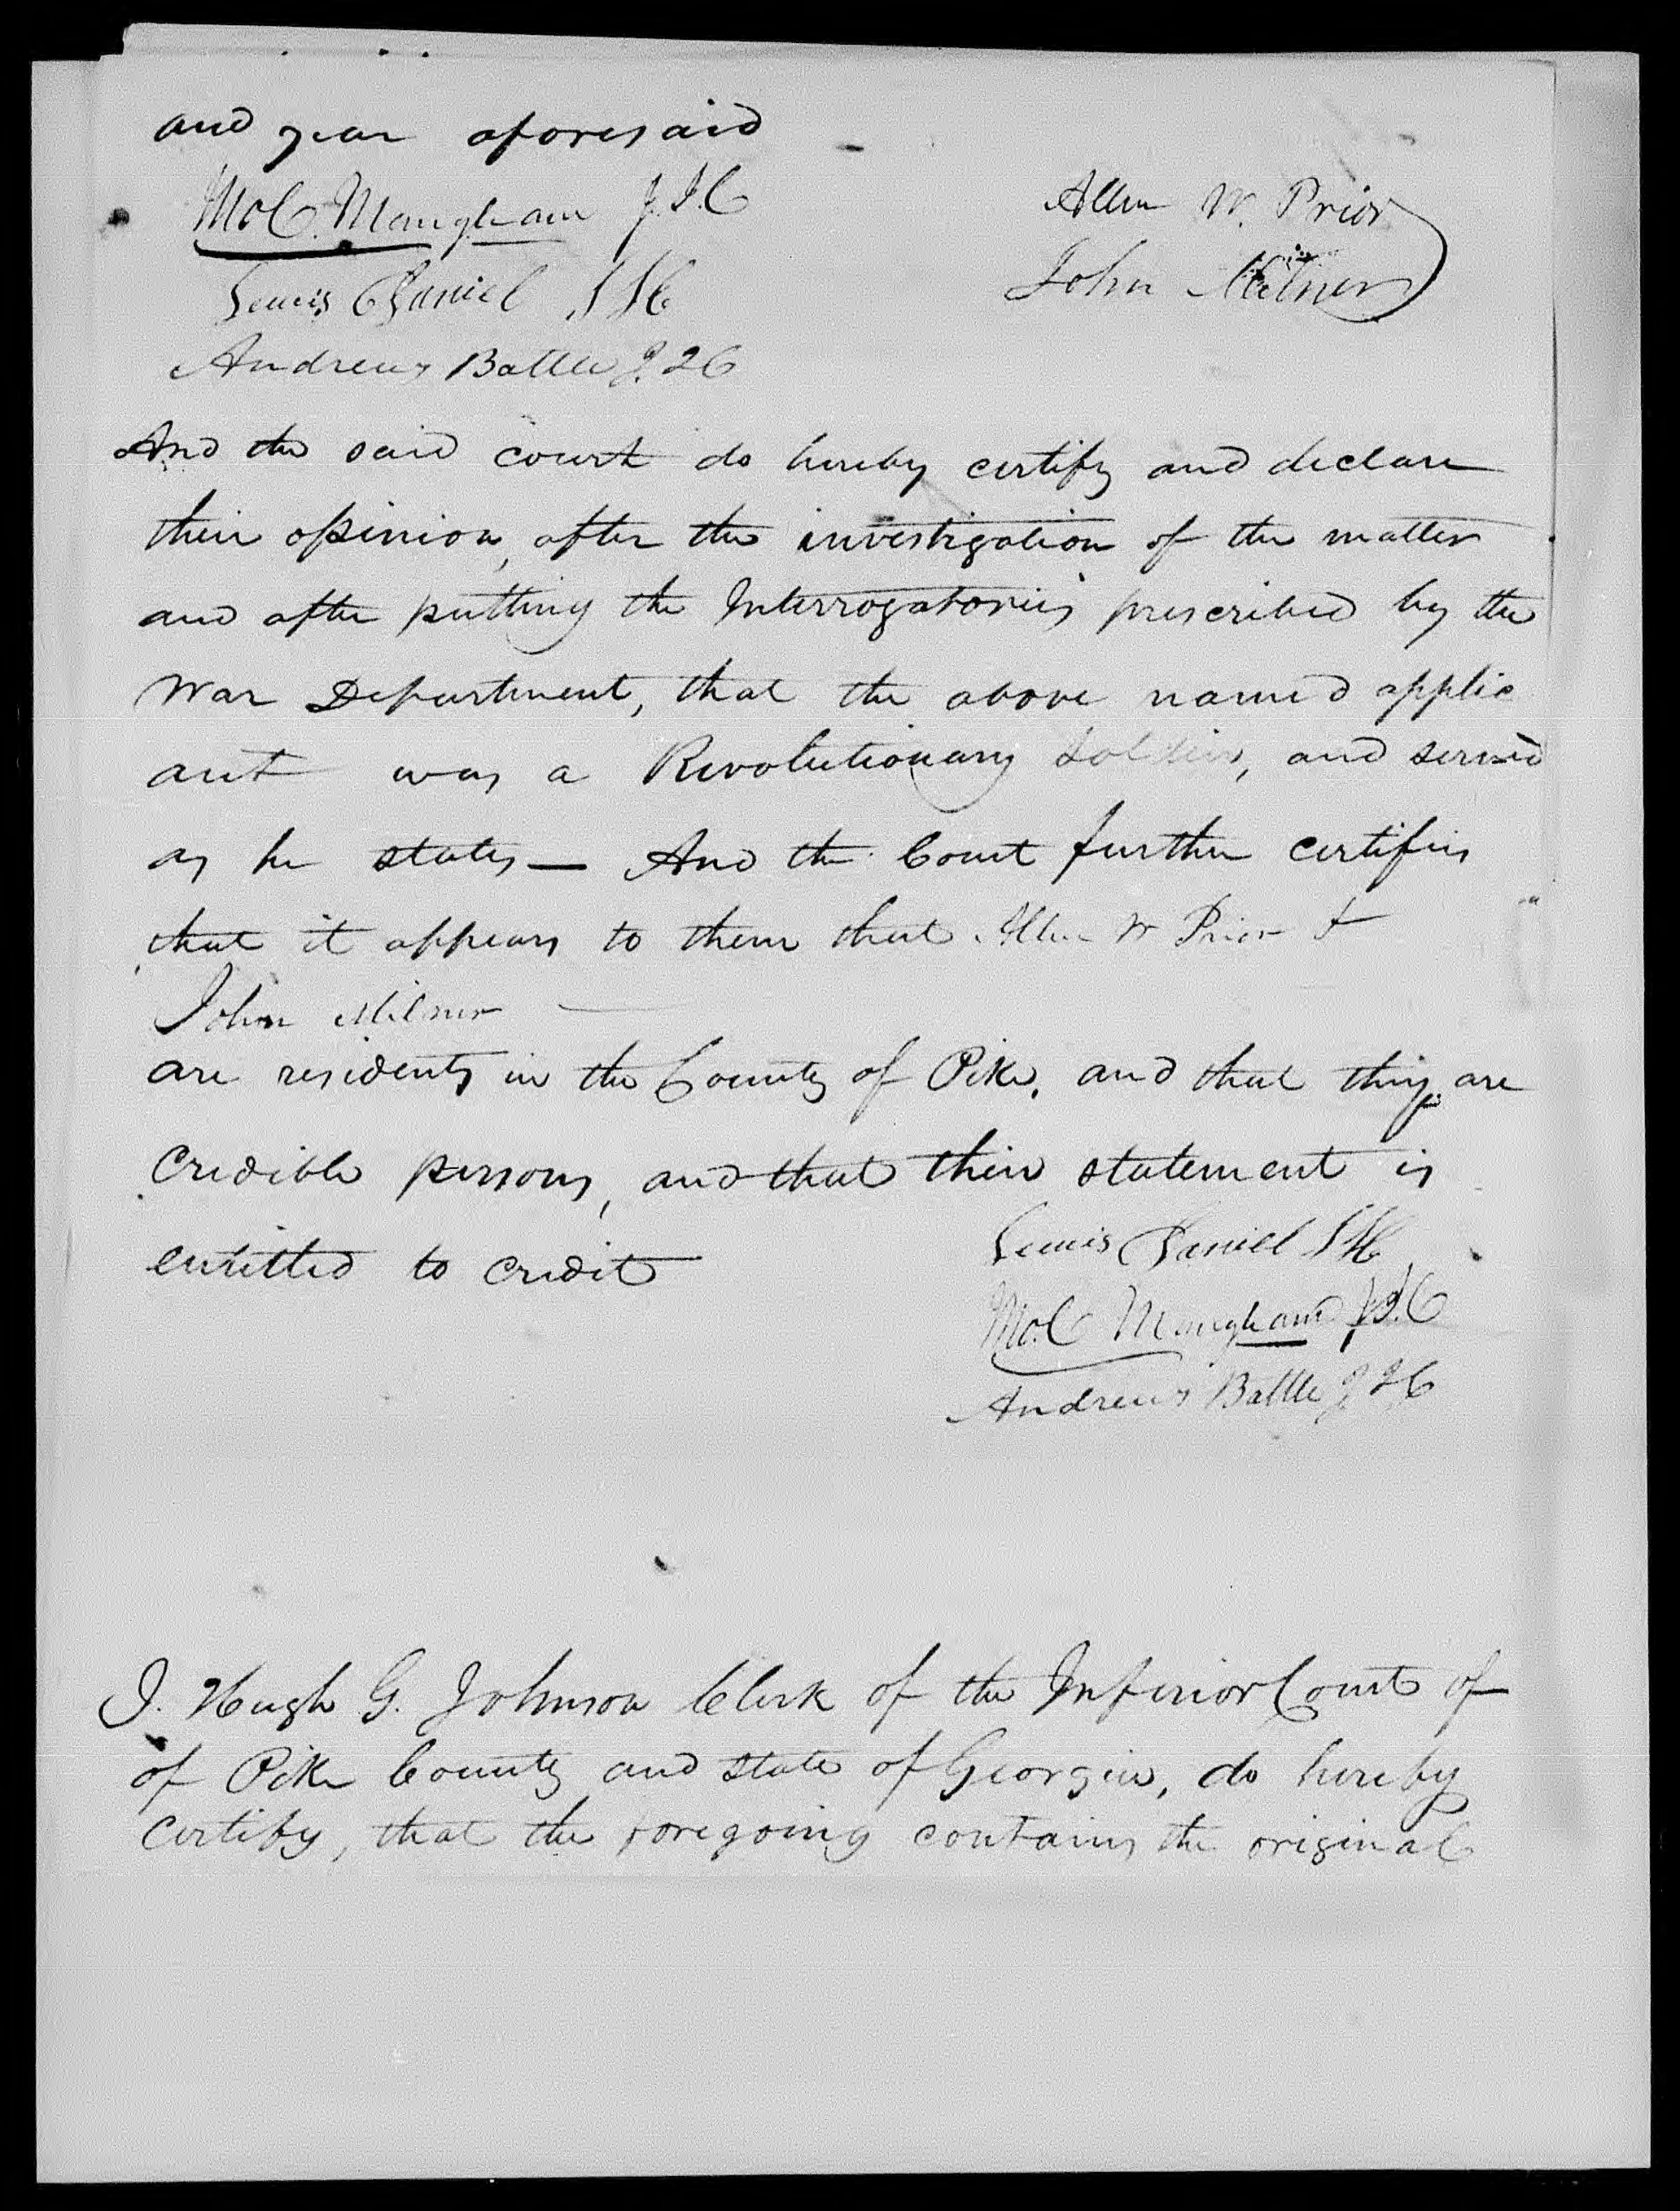and year aforesaid
Mo. Maugham J.J.C
Lewis Daniel JJC
Andrew Battle J.J.C
Allen W. Prior
John Milner
And the said Court do hereby certify and declare
their opinion, after the investigation of the matter and after putting the Interrogatories prescribed by the War Department, that the above named applicant was a Revolutionary soldier, and served as he states  And the Court further certifies that it appears to them that Allen W Prior & John Milner
are residents in the County of Pike, and that they are credible persons, and that their statement is entitled to credit
Lewis Daniel JIC
Mo.C Maugham JI.C
Andrews Battle JIC
J. Hugh G. Johnson Clerk of the Inferior Court of
of Pike County and State of Georgia, do hereby
certify, that the foregoing contains the original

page: 8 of 55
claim: widow's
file: W. 7894, for John Jenkins, Virginia